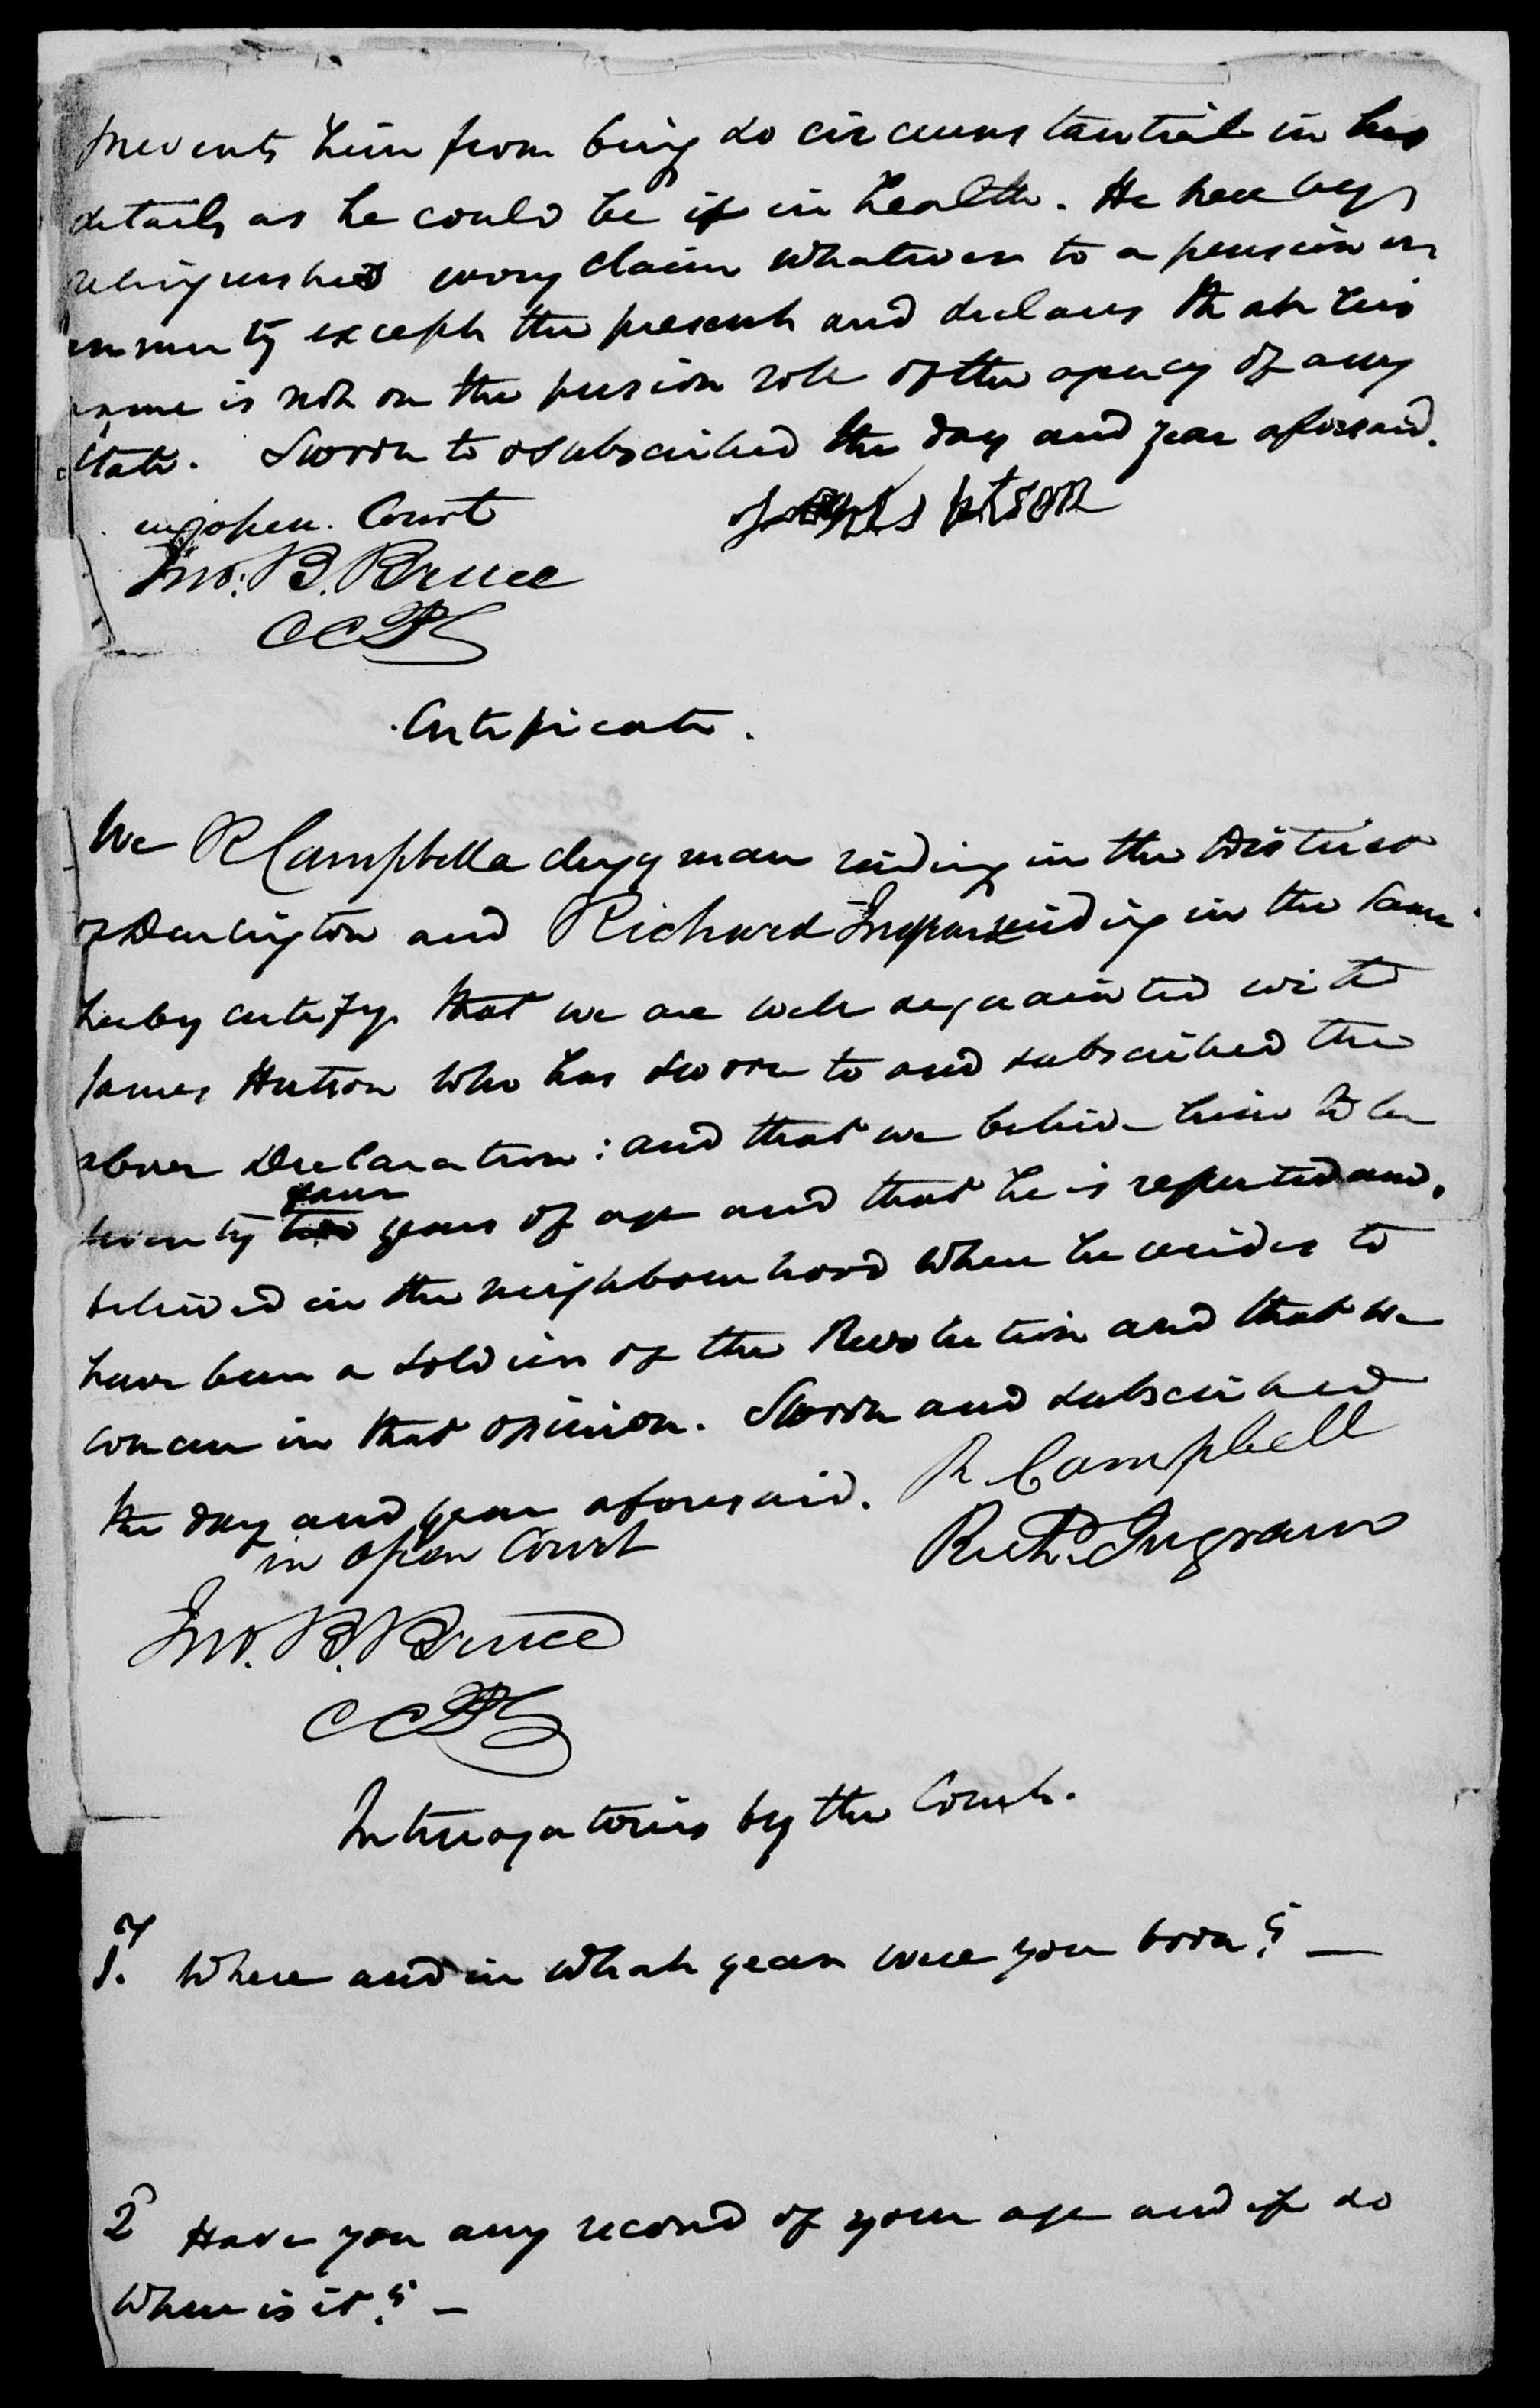prevents him from being do circumstantial in his details as he could be if in health. He hereby relinquishes every claim whatever to a pension [illegible] except the present and declares that his name is not on the pension roll of the agency of any State. Sworn + subscribed the day and year aforesaid. 
in open Court
Mr. B. Bruce 
CCP
James Hutson

Certificate

We R Campbell clergyman residing in the District of Darlington and Richard Ingram residing in the same hereby certify that we are well acquainted with James Hutson who has sworn to and subscribed the above Declaration: and that we believe him to be seventy four years of age and that he is reputed and believed in the neighborhood where he resides to have been a soldier of the Revolution and that we concur in that opinion. Sworn and subscribed the day and year aforesaid
R Campbell 
Richard Ingram
in open Court
Jno B. Bruce
CCP
Interrogatories by the Court. 
1. Where and what year were you born? 
2. Have you any record of your age and if do where is it?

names: Jno B Bruce, Richard Ingram, James Hutson, R Campbell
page: 3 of 33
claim: rejected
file: R. 5334, James Hudson, N.C.